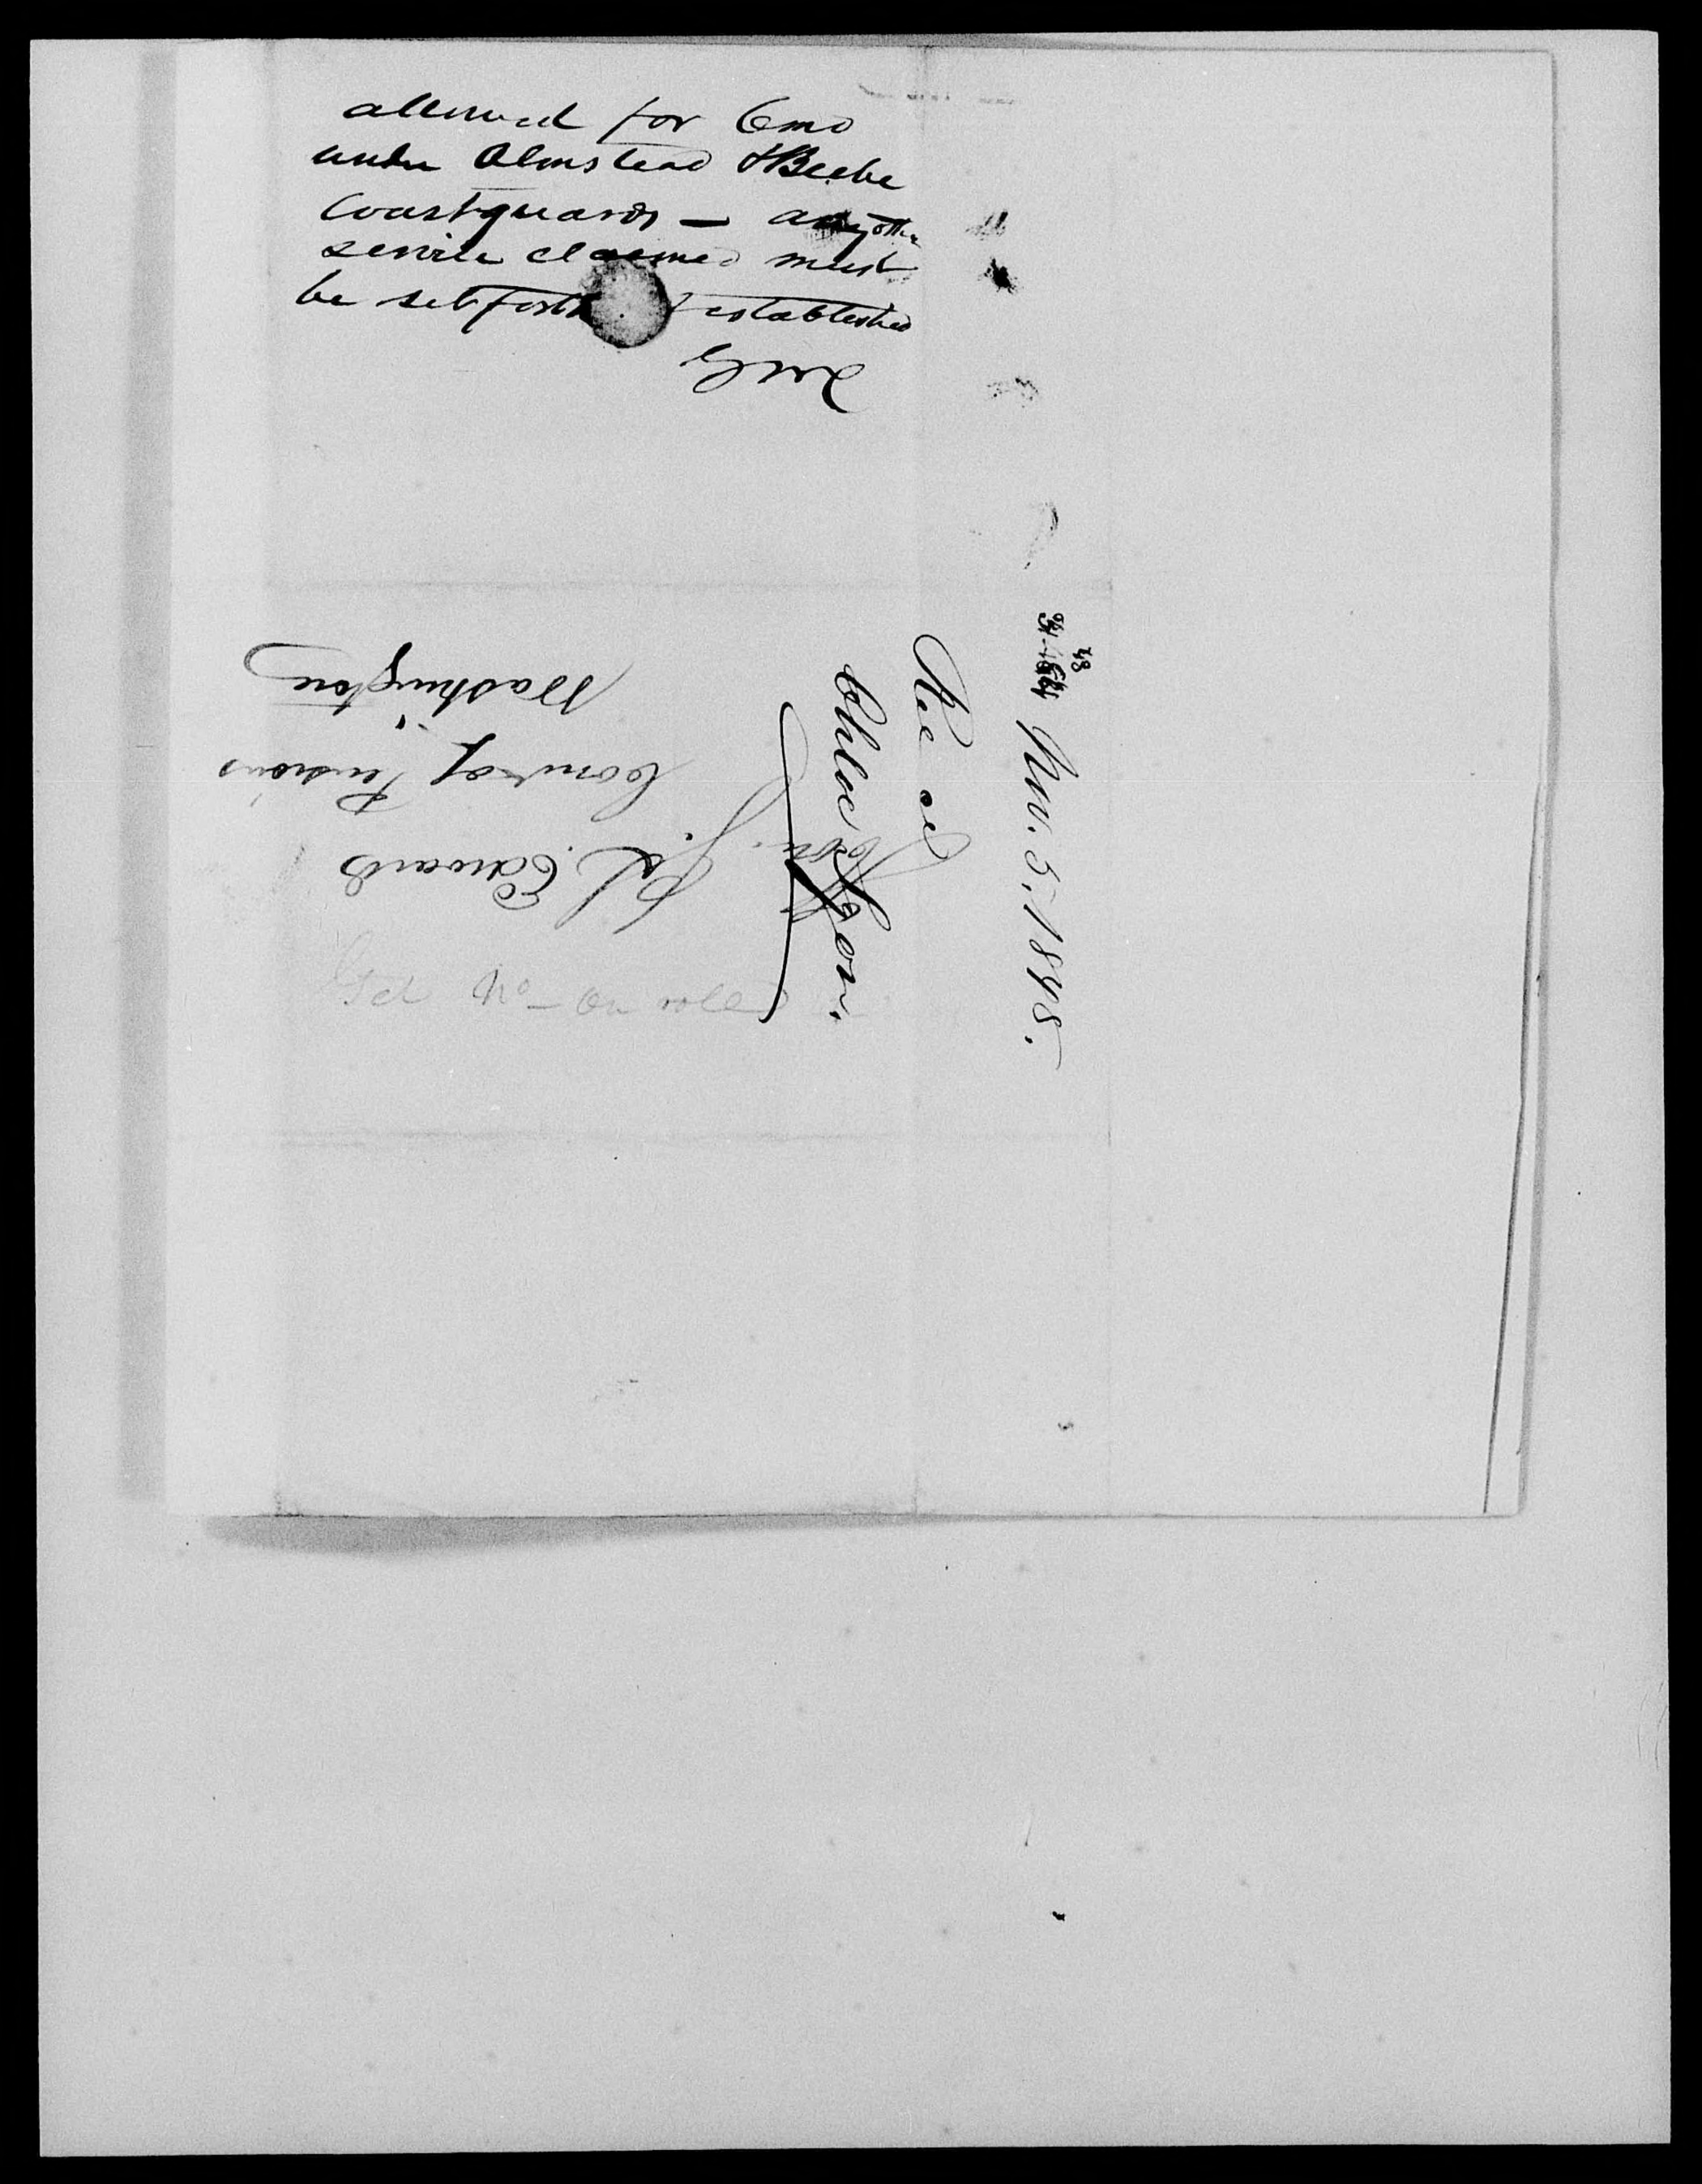J.L. Edwards
Comr of Pensions
Washington

[illegible] Nov. 5, 1848.
Rec w Chloe Lyon.


allowed for 6mo under Olmstead & Beebe Coastguards - any other service claimed must be set forth & established
GMC

Get no- on role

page: 25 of 40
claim: widow's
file: W. 24,615, for Ebenezer Lyon, Connecticut